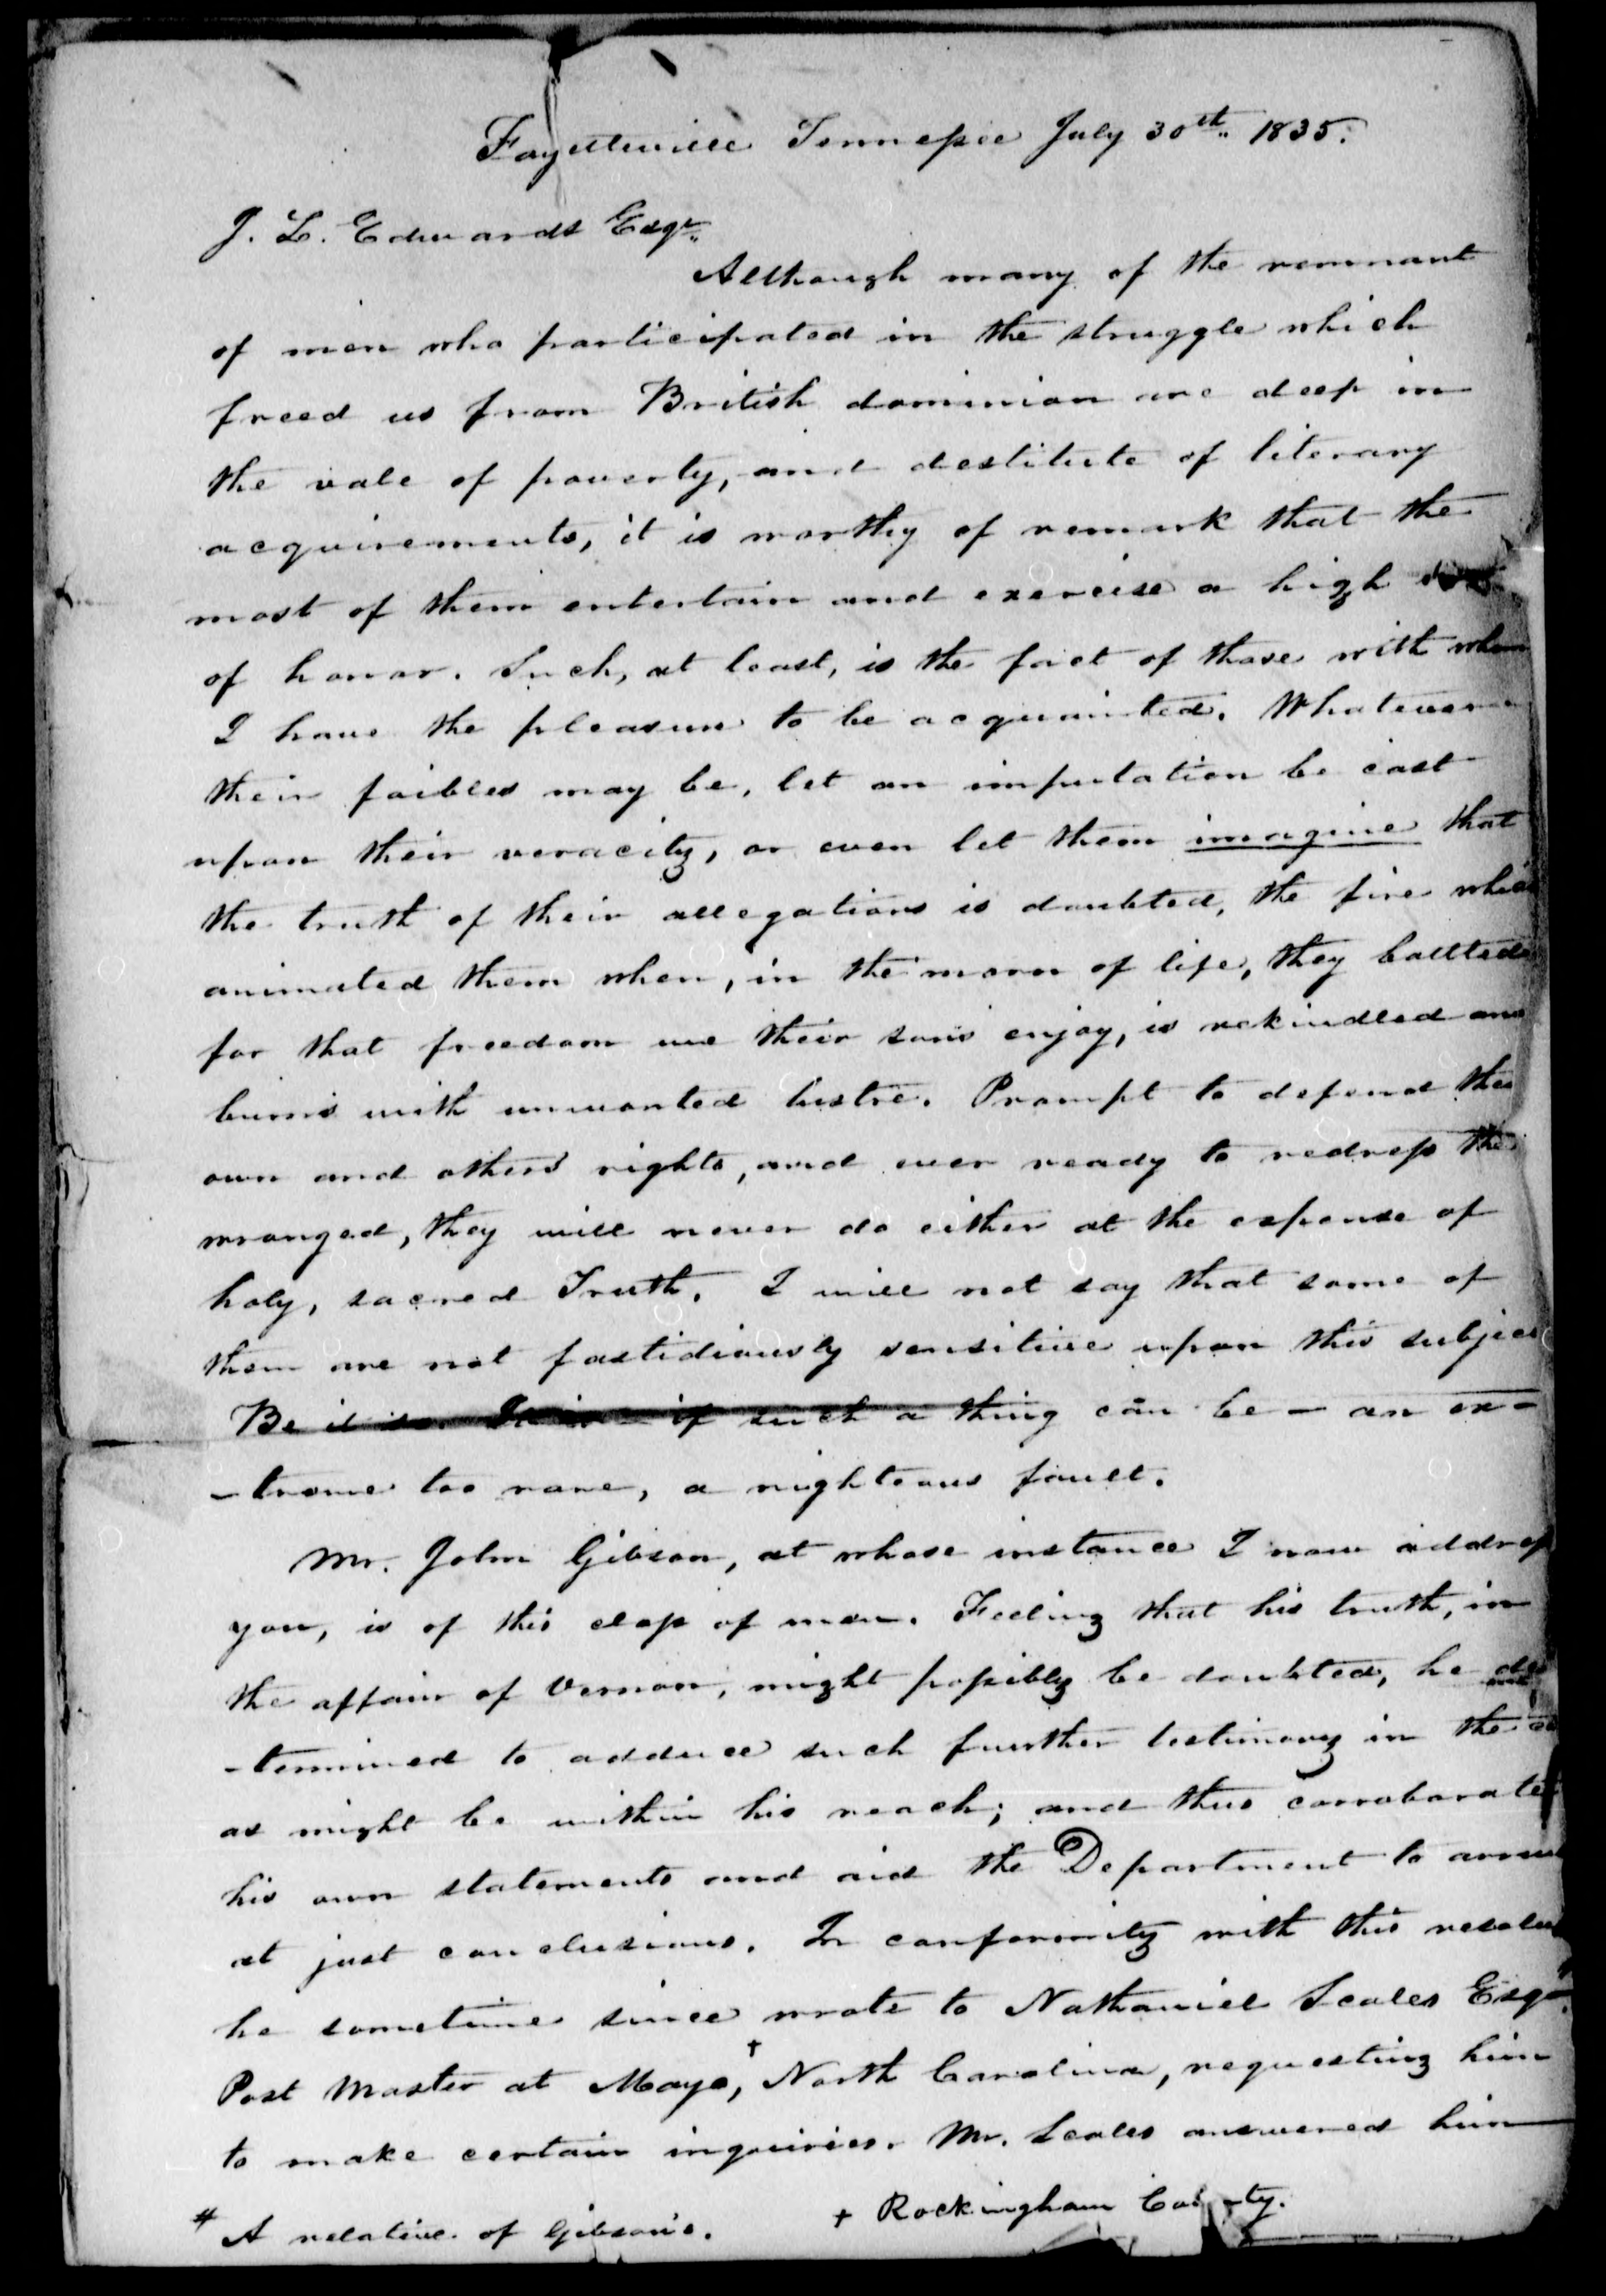Fayetteville Tennessee July 30th 1835.

J. L. Edwards Esqr.

Although many of the remnant of men who participated in the struggle which freed us from British dominion are deep in the vale of poverty, and destitute of literary acquirements, it is worthy of remark that the most of them entertain and exercise a high of honor.  Such, at least, is the first of those with who I have the pleasure to be acquainted. Whatsoever their foibles may be, let an imputation be cast upon their veracity, or even let them imagine that the truth of their allegations is doubted, the pine which animated them when, in the name of life, they battled for that freedom we their sons enjoy, is rekindled and buried with unwanted [illegible]. Prompt to defend their own and others rights, and near ready to redress the [illegible], they will never do either at the expense of holy, sacred South.  I will not say that some of them are not fastidiously sensitive upon this subject. Be it so [illegible] if such a thing can be  - an entrance too name, a righteous fault.
Mr. John Gibson, at whose instance I now address to you, is of this class of men.  Feeling that his truth, in the affair of Vernon, might possibly be doubted, he determined to address such further testimony in the [illegible] as might be within his reach; and thus corroborated his own statements and aid the Department to assess at just conclusions. In conformity with this necessity he sometimes since wrote to Nathaniel Scales, Esquire (A relative of Gibson’s) Post Master at Mays, (Rockingham County.) North Carolina, requesting him to make certain inquiries. Mr. Scales answered him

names: J L Edwards, Vernon, Gibson, Scales, Nathaniel Scales, John Gibson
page: 81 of 105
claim: survivor's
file: S. 1883, Richard Vernon, N.C.